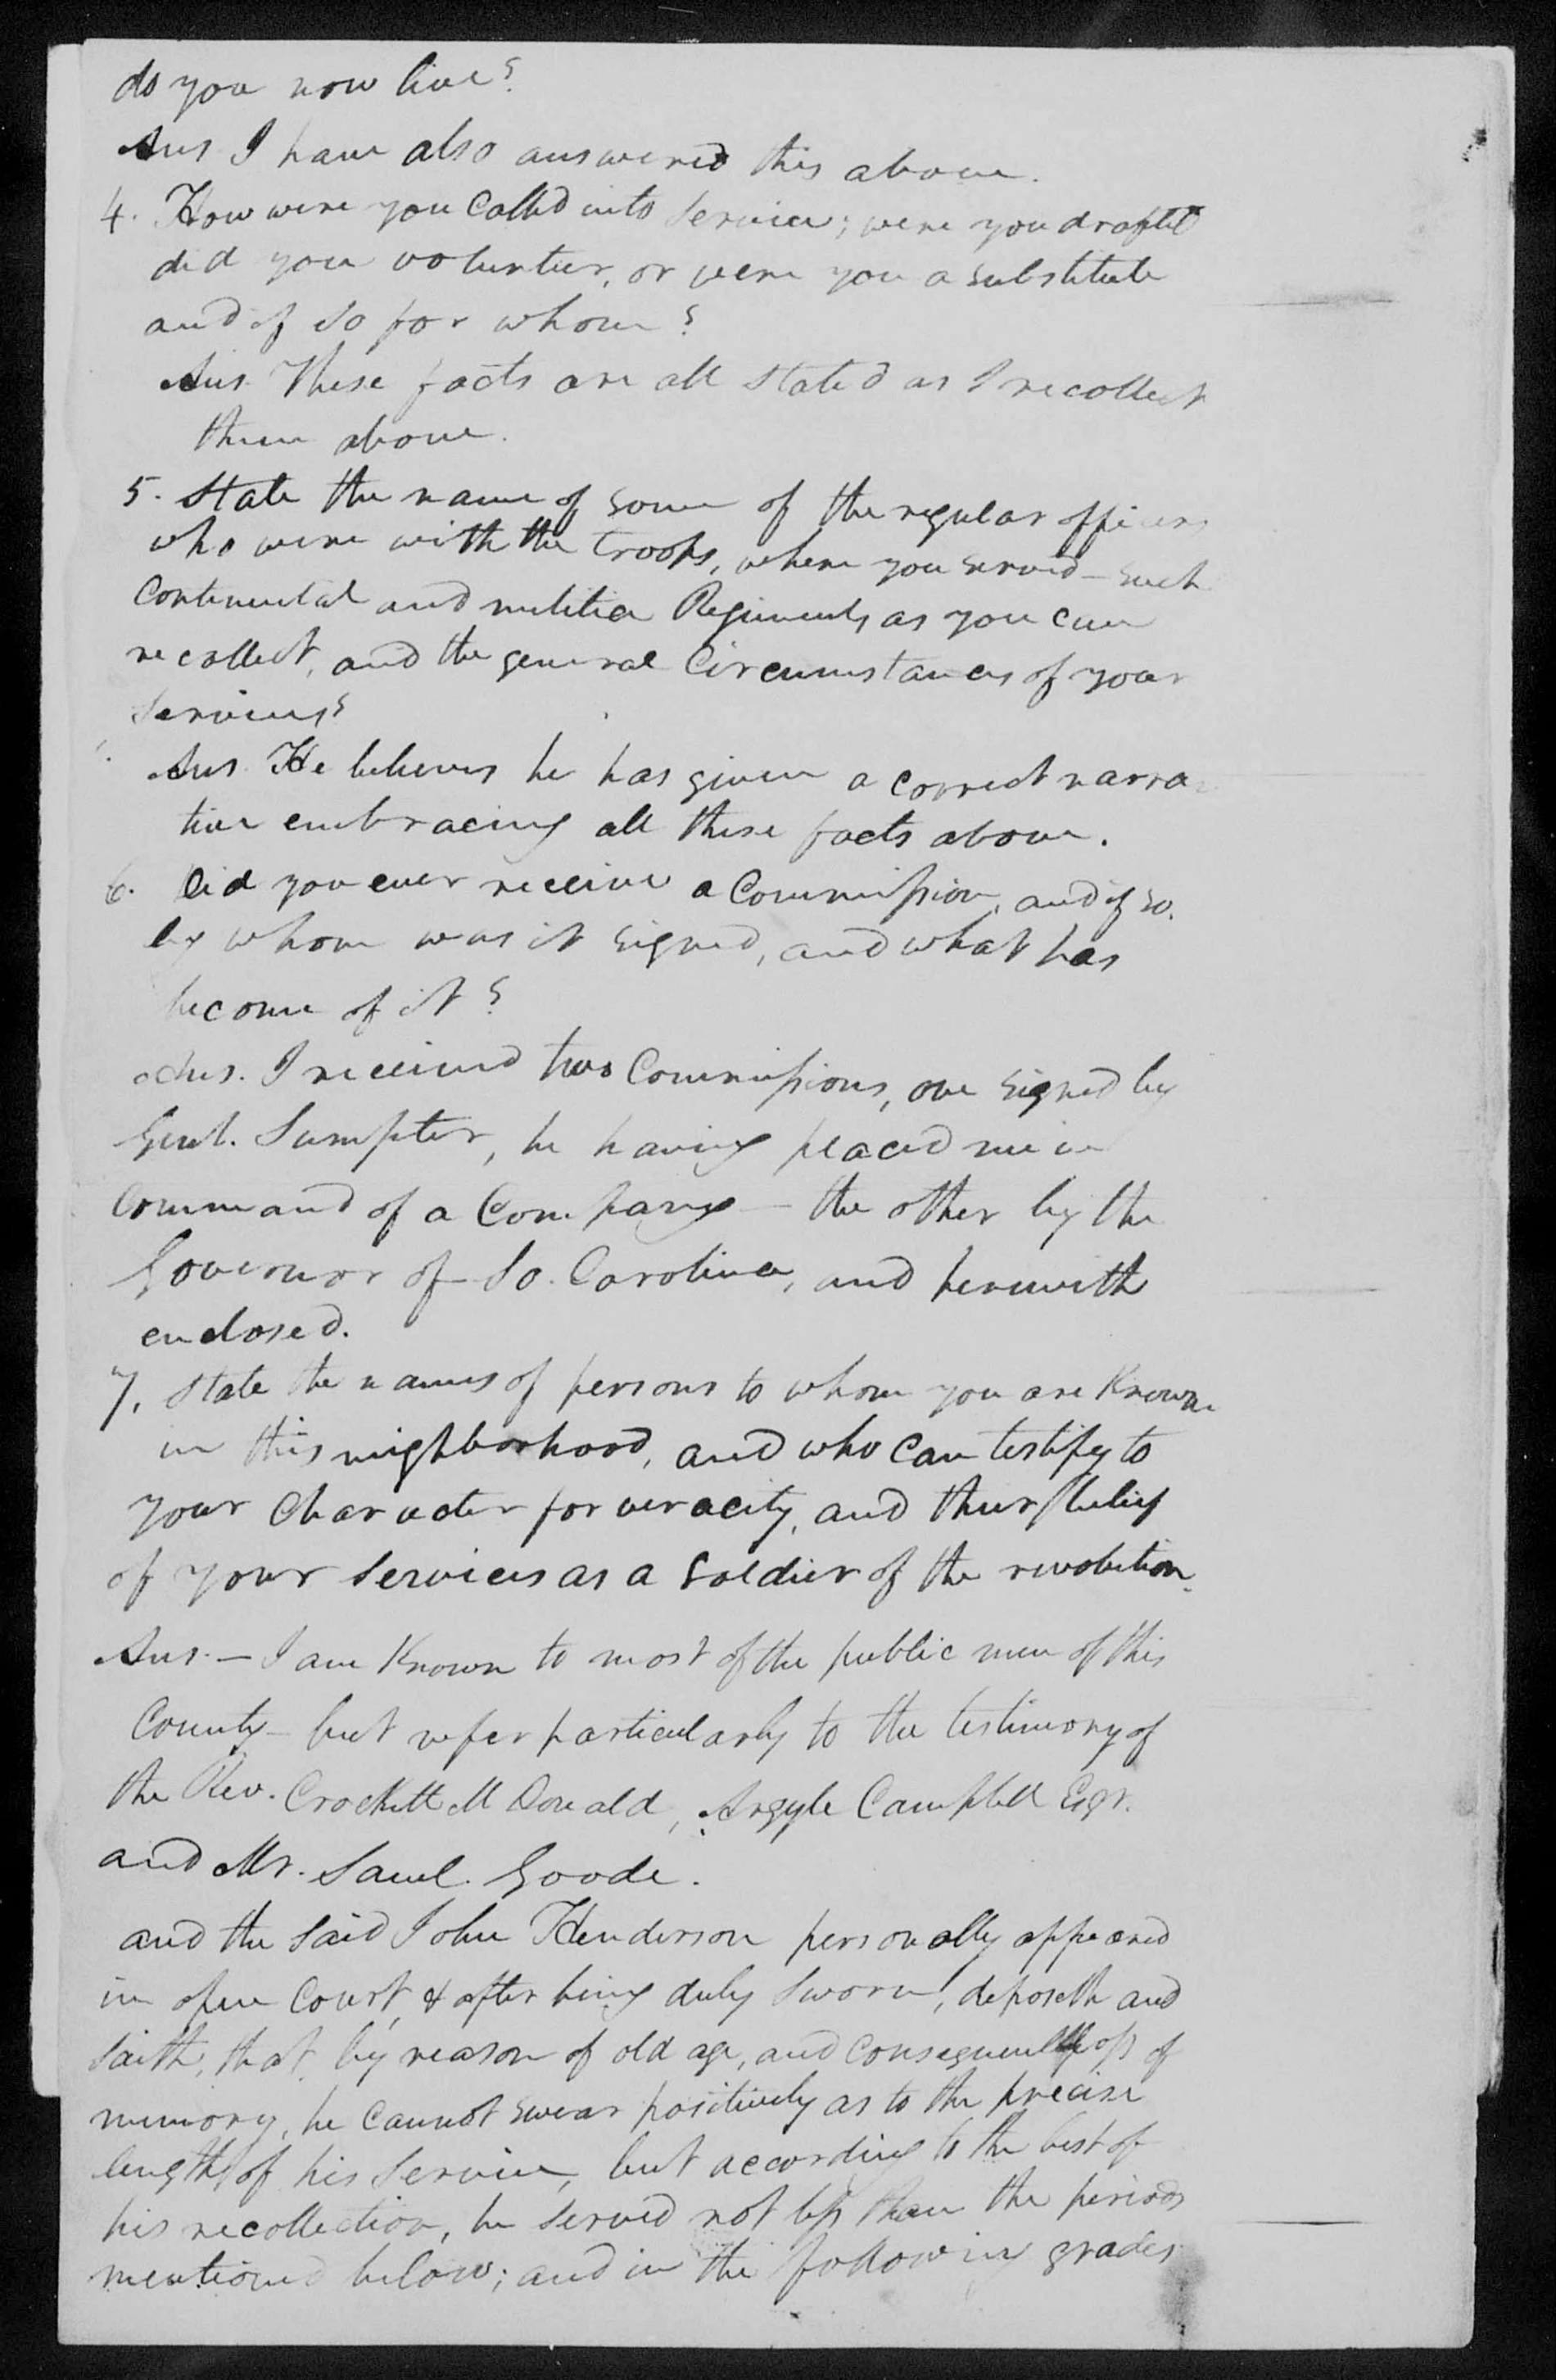do you now live?
Ans I have also answered this above.
4. How were you called into service; were you drafted did you volunteer, or were you a substitute and if so for whom?
Ans. These facts are all stated as I recollect them above.
5. State the name of some of the regular officers who were with the troops, when you served - such Continental and militia Regiments as you can recollect, and the general circumstances of your service?
Ans. He believes he has given a correct narrative embracing all these facts above.
6. Did you ever receive a Commission, and if so, by whom was it signed, and what has become of it?
Ans. I received two Commissions, one signed by Genl. Sumpter, he having placed me in command of a Company - the other by the Governor of So. Carolina, and herewith endorsed.
7. State the names of persons to whom you are known in this neighborhood, and who can testify to your character for veracity and their belief of your services as a soldier of the revolution.
Ans. - I am known to most of the public men of this County - but refer particularly to the testimony of the Rev. Crocket McDonald, Argyle Campbell Esqr. and Mr. Saml. Goode.

and the said John Henderson personally appeared in open court & after being duly sworn, deposeth and saith that by reason of old age, and consequent loss of memory, he cannot swear positively as to the precise length of his service, but according to the best of his recollection, he served not less than the periods mentioned below; and in the following grades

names: Crockett Mc Donald, John Henderson, Argyle Campbell, Saml Goode, Sumpter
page: 6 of 40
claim: rejected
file: R. 4,869, John Henderson, S.C.